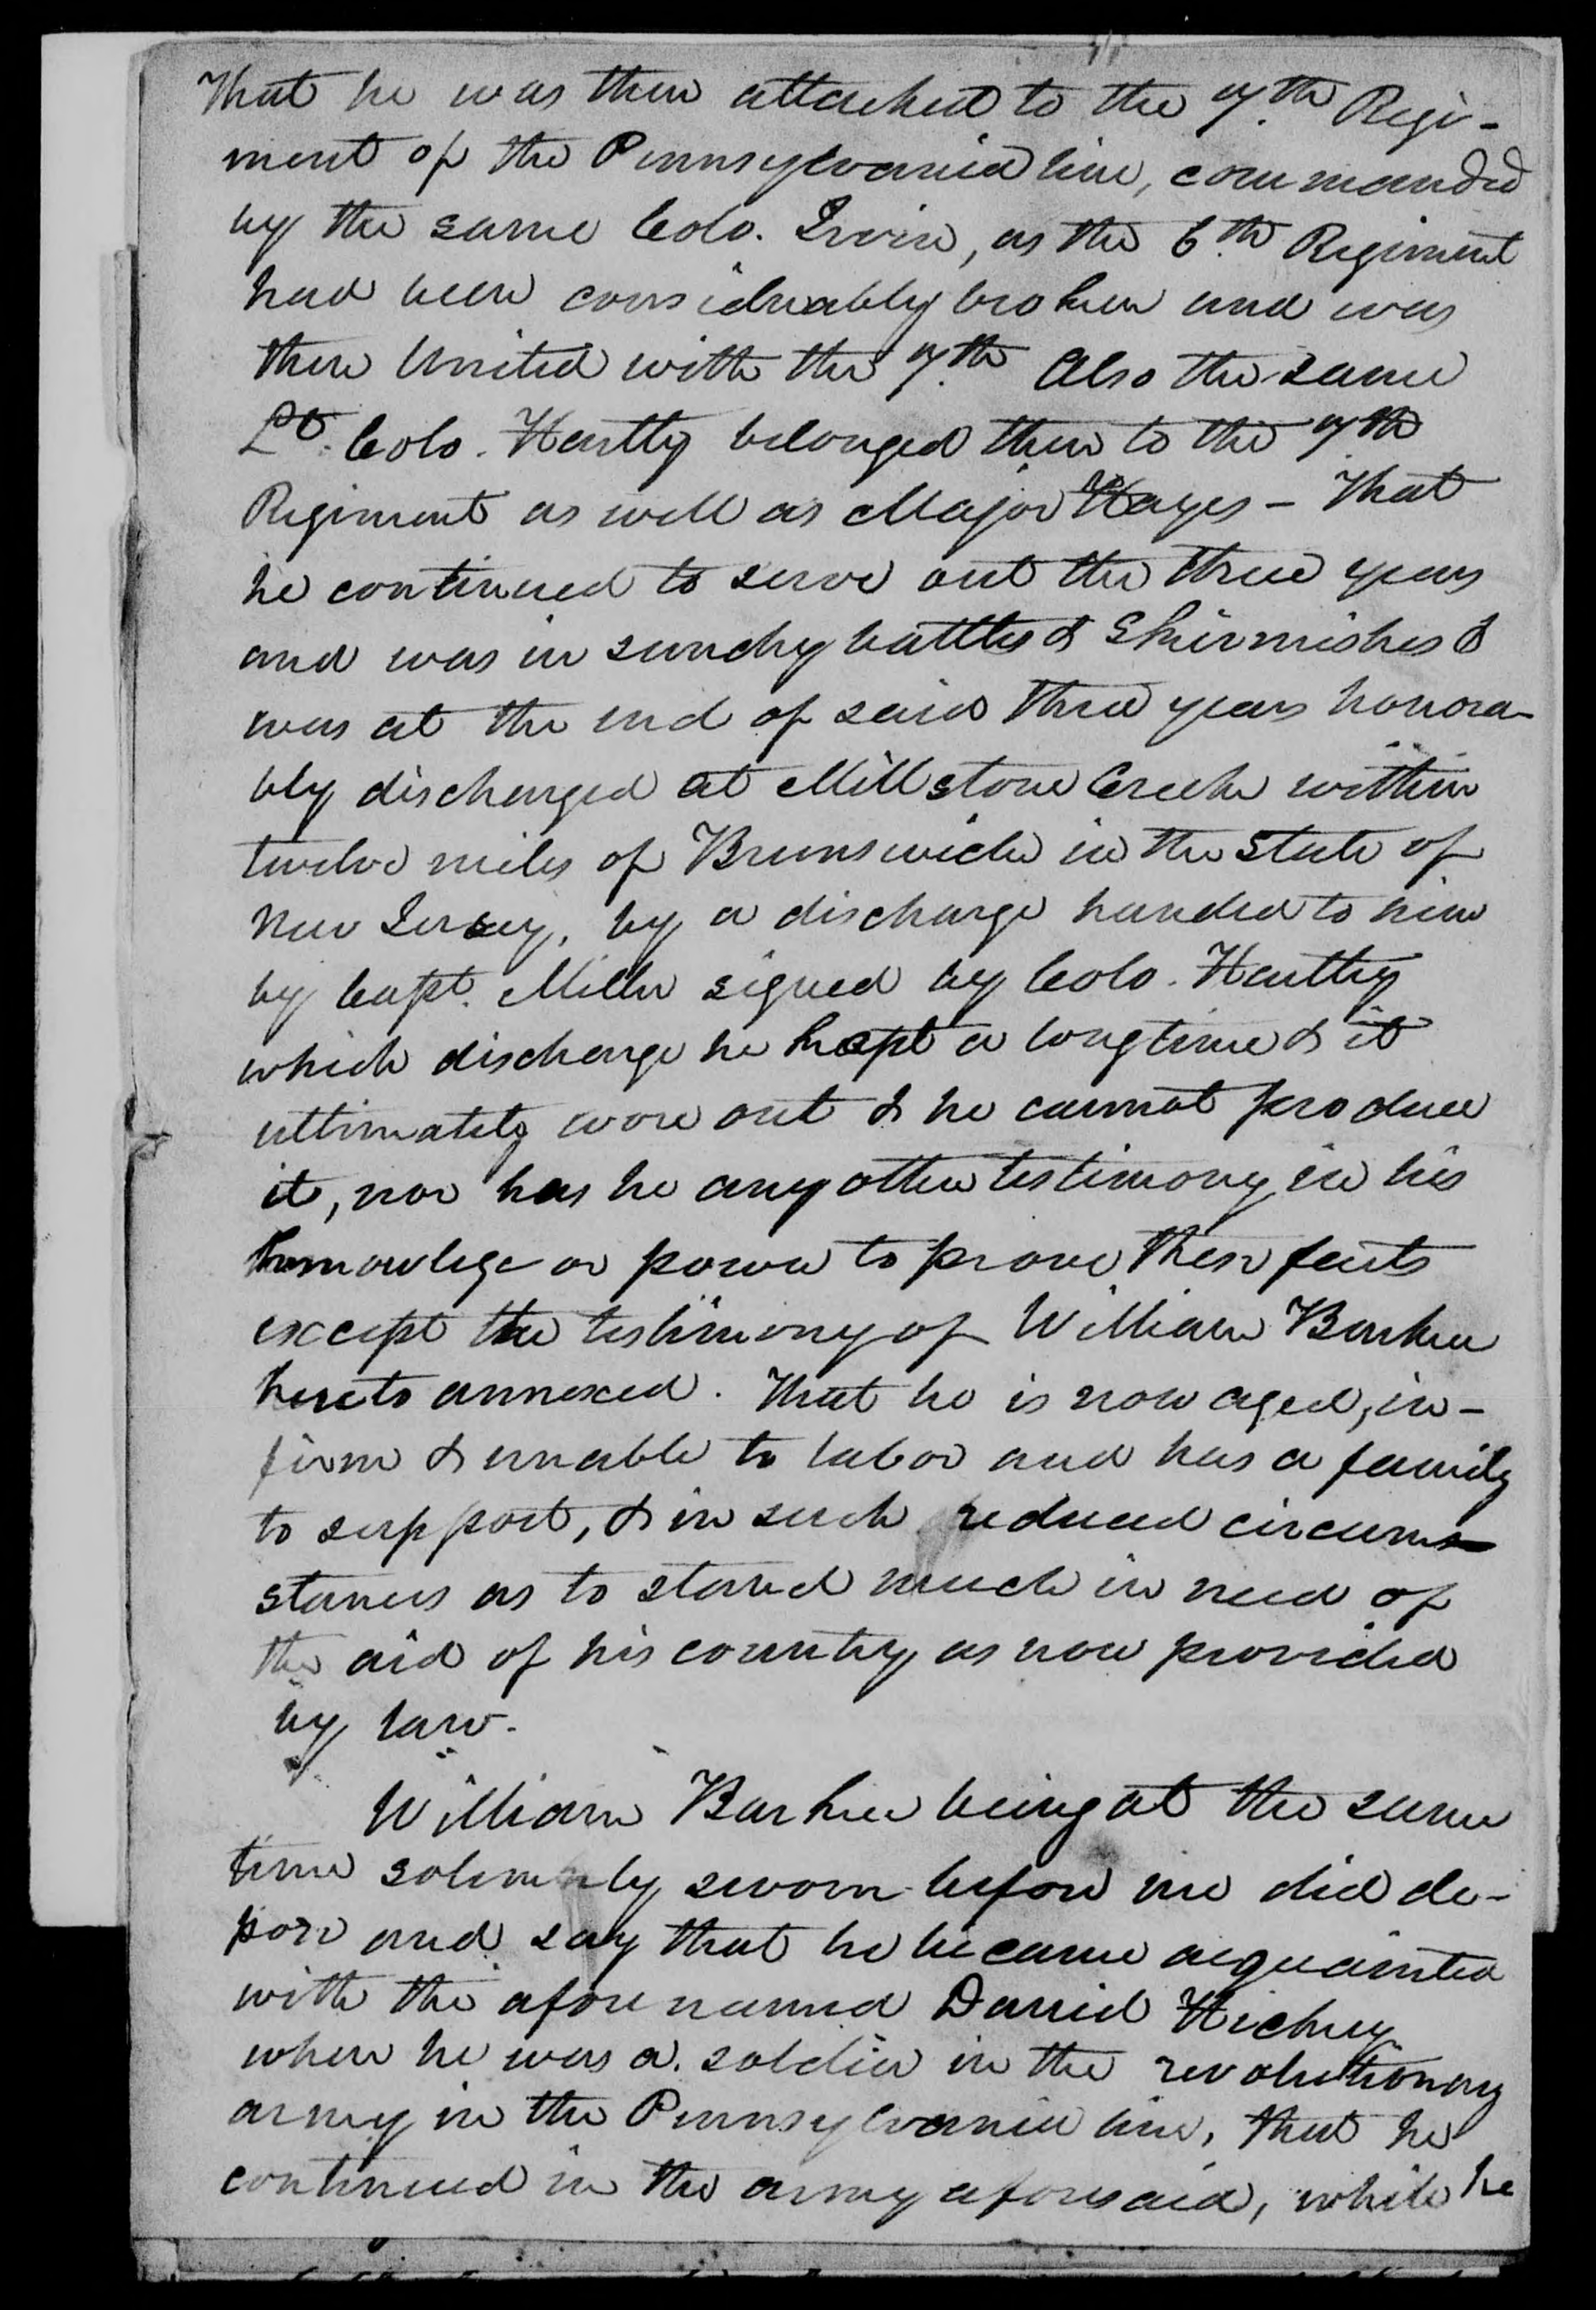that he was then attached to the 7th Regiment of the Pennsylvania line, commanded by the same Colo. Irvin, as the 6th Regiment had been considerably broken and was then united with the 7th. Also the same Lt. Colo Hartly belonged then to the 7th Regiment as well as Major Hayes. That he continued to serve out the three years and was in sundry battles & Skirmishes & was at the end of said three years honorably discharged at Millstone Creek within
twelve miles of Brunswick in the State of New Jersey, by a discharge handed to him by Capt Miller signed by Colo. Hartley which discharge he kept a long time & it ultimately wore out & he cannot produce it, nor has he any other testimony in his knowlege or power to prove the facts except the testimony of William Barker hereto annexed. That he is now aged, infirm & unable to labor and has a family
to support, & in such reduced circumstances as to stand much in need of the aid of his country as now provided by law.
William Barker being at the same time
solemnly sworn before me did depose
and say that he became acquainted with
the aforenamed Daniel Hickey when he was a soldier in the revolutionary army in the Pennsylvania line, that he continued in the army aforesaid, while he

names: Hayes, William Barken, Hartley, William Barken, Miller, Daniel Hickey, Irvin, Hartley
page: 50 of 84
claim: widow's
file: W. 7744, Daniel Hickey, Penn.